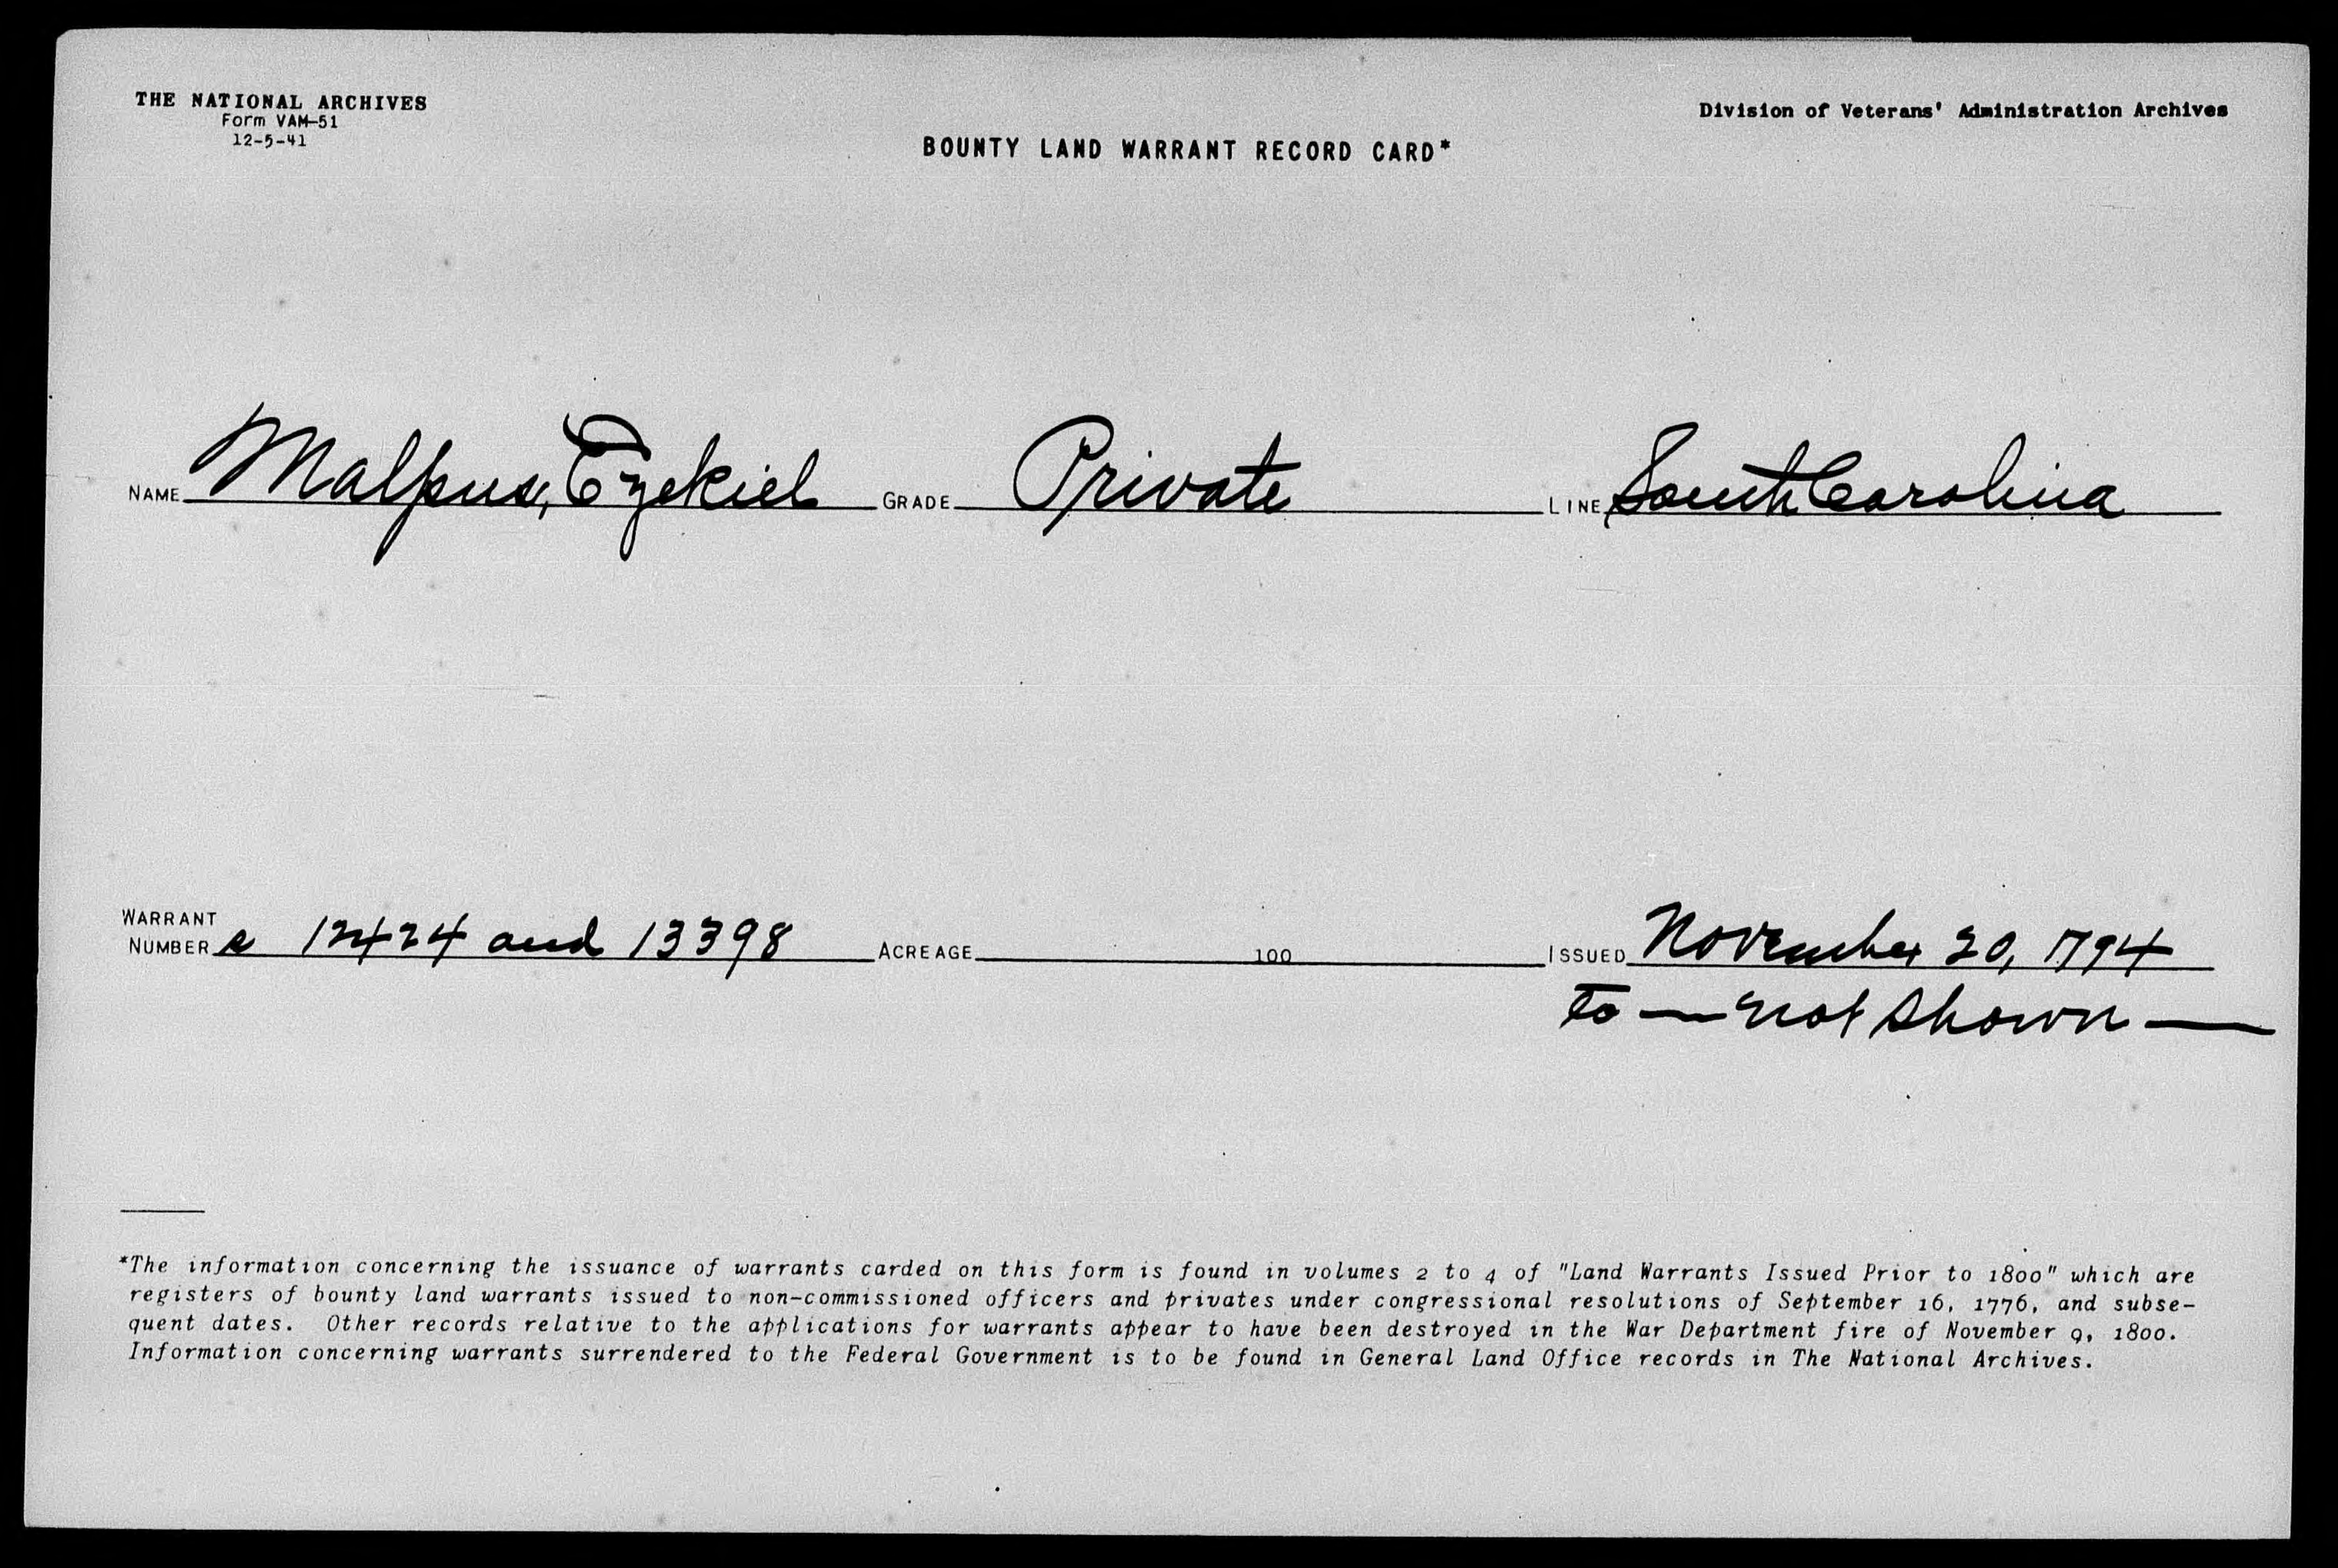THE NATIONAL ARCHIVES
Form VAM-51
12 - 5 - 41
BOUNTY LAND WARRANT RECORD CARD*
Division of Veterans' Administration Archives
NAME Malpus, Ezekiel 
GRADE Private
LINE South Carolina
WARRANT NUMBERs
 12424 and 13398
ISSUED November 20, 1794
to not shown-
The information concerning the issuance of warrants carded on this form is found in volumes 2 to 4 of ""Land Warrants Issued Prior to 1800"" which are
registers of bounty land warrants issued to non-commissioned officers and privates under congressional resolutions of September 16, 1776, and subsequent
dates. Other records relative to the applications for warrants appear to have been destroyed in the War Department fire of November 9, 1800.
Information concerning warrants surrendered to the Federal Government is to be found in General Land Office records in The National Archives.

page: 9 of 9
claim: survivor's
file: S. 9,399, for James Malpass, North Carolina